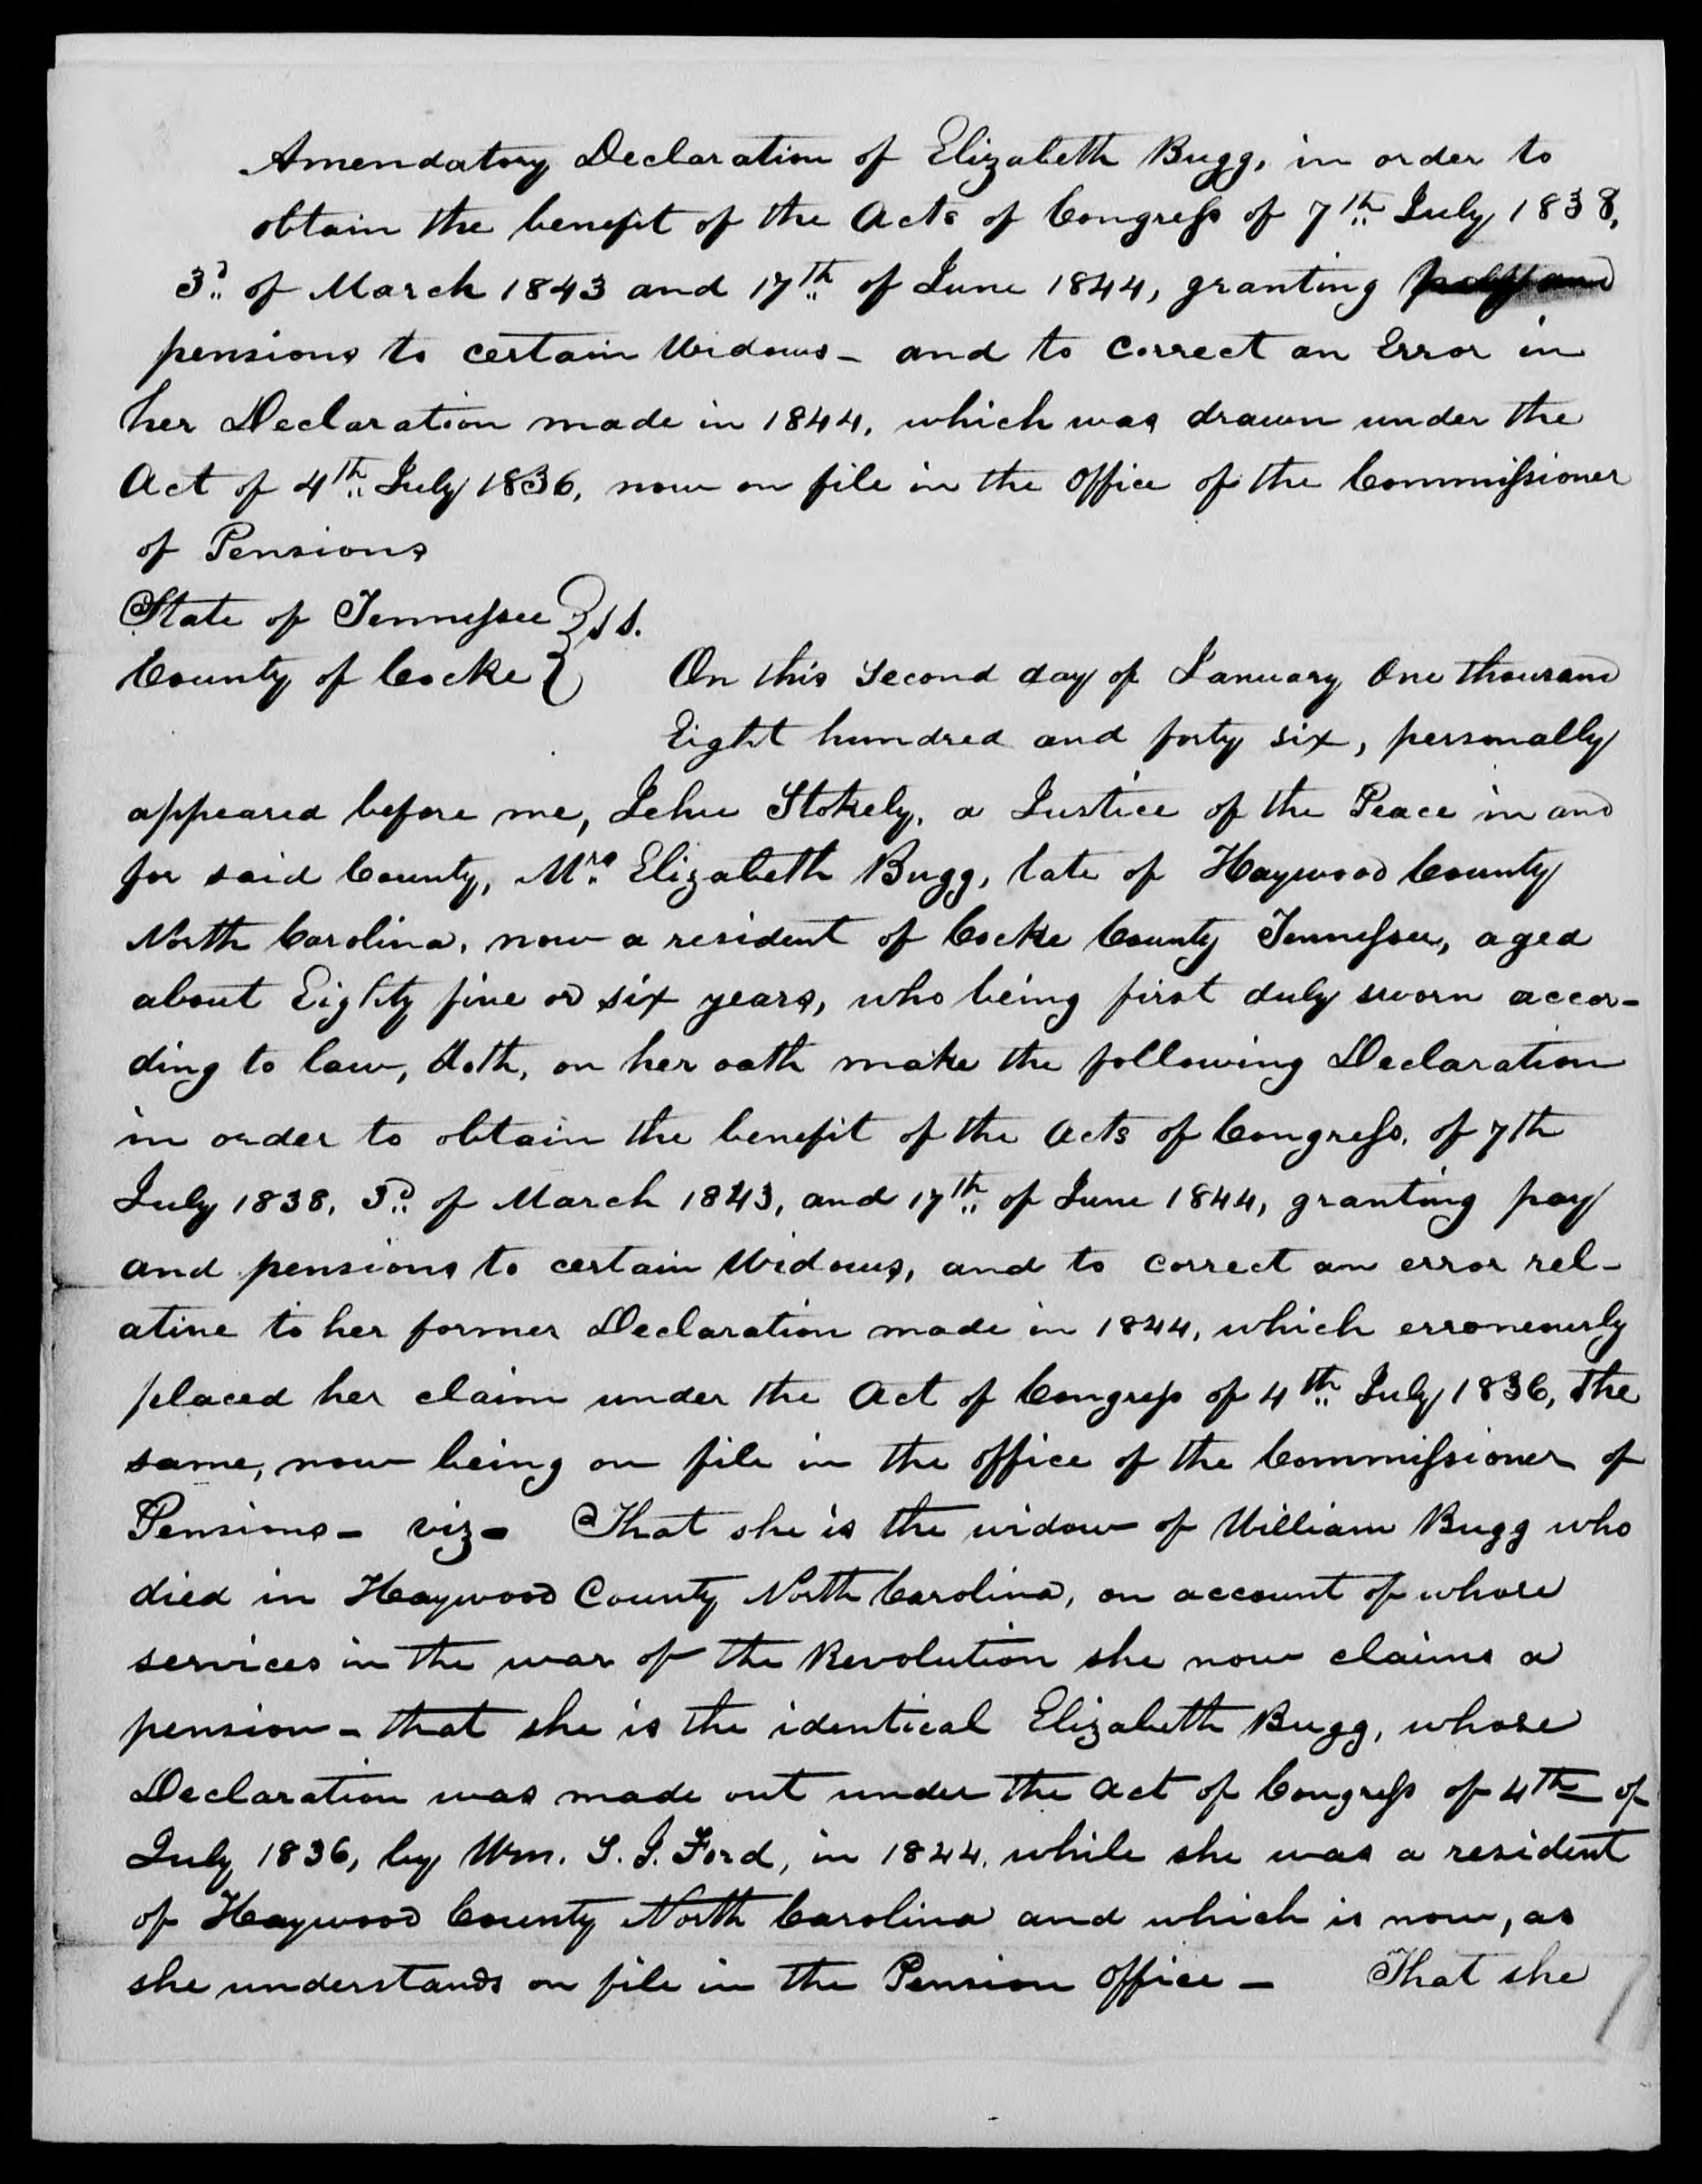Amendatory Declaration of Elizabeth Bugg, in order to obtain the benefit of the Acts of Congress of 7th July 1838, 3d of March 1843 and 17th of June 1844, granting [here an illegible word was crossed out] pensions to certain Widows - and to correct an Error in her Declaration made in 1844, which was drawn under the Act of 4th July 1836, now on file in the Office of the Commissioner of Pensions.

[Occasional spacing has been included to make the long text block easier to read.]

State of Tennessee) SS.
County of Cocke)    On this Second day of January one thousand Eight hundred and forty six, personally appeared before me, Jehu Stokely, a Justice of the Peace in and for said County, Mrs. Elizabeth Bugg, late of Haywood County North Carolina, now a resident of Cocke County Tennessee, aged about Eighty five or six years, who being first duly sworn according to law, doth, on her oath make the following Declaration in order to obtain the benefit of the Acts of Congress, of 7th July 1838, 3d of March 1843, and 17th of June 1844, granting pay and pensions to certain Widows, and to correct an error relative to her former Declaration made in 1844, which erroneously placed her claim under the Act of Congress of 4th July 1836, the same, now being on file in the office of the Commissioner of Pensions - viz - 

That she is the widow of William Bugg who died in Haywood County North Carolina, on account of whose services in the war of the Revolution she now claims a pension - that she is the identical Elizabeth Bugg, whose Declaration was made out under the Act of Congress of 4th of July 1836, by Wm. T. [or S.] J. Ford, in 1844, while she was a resident of Haywood County North Carolina and which is now, as she understands on file in the Pension office -  That she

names: Elizabeth Bugg, William Bugg, Elizabeth Bugg, Wm S J Ford, Elizabeth Bugg, Jehu Stokely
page: 47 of 50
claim: widow's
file: W. 898, William Bugg, N.C.